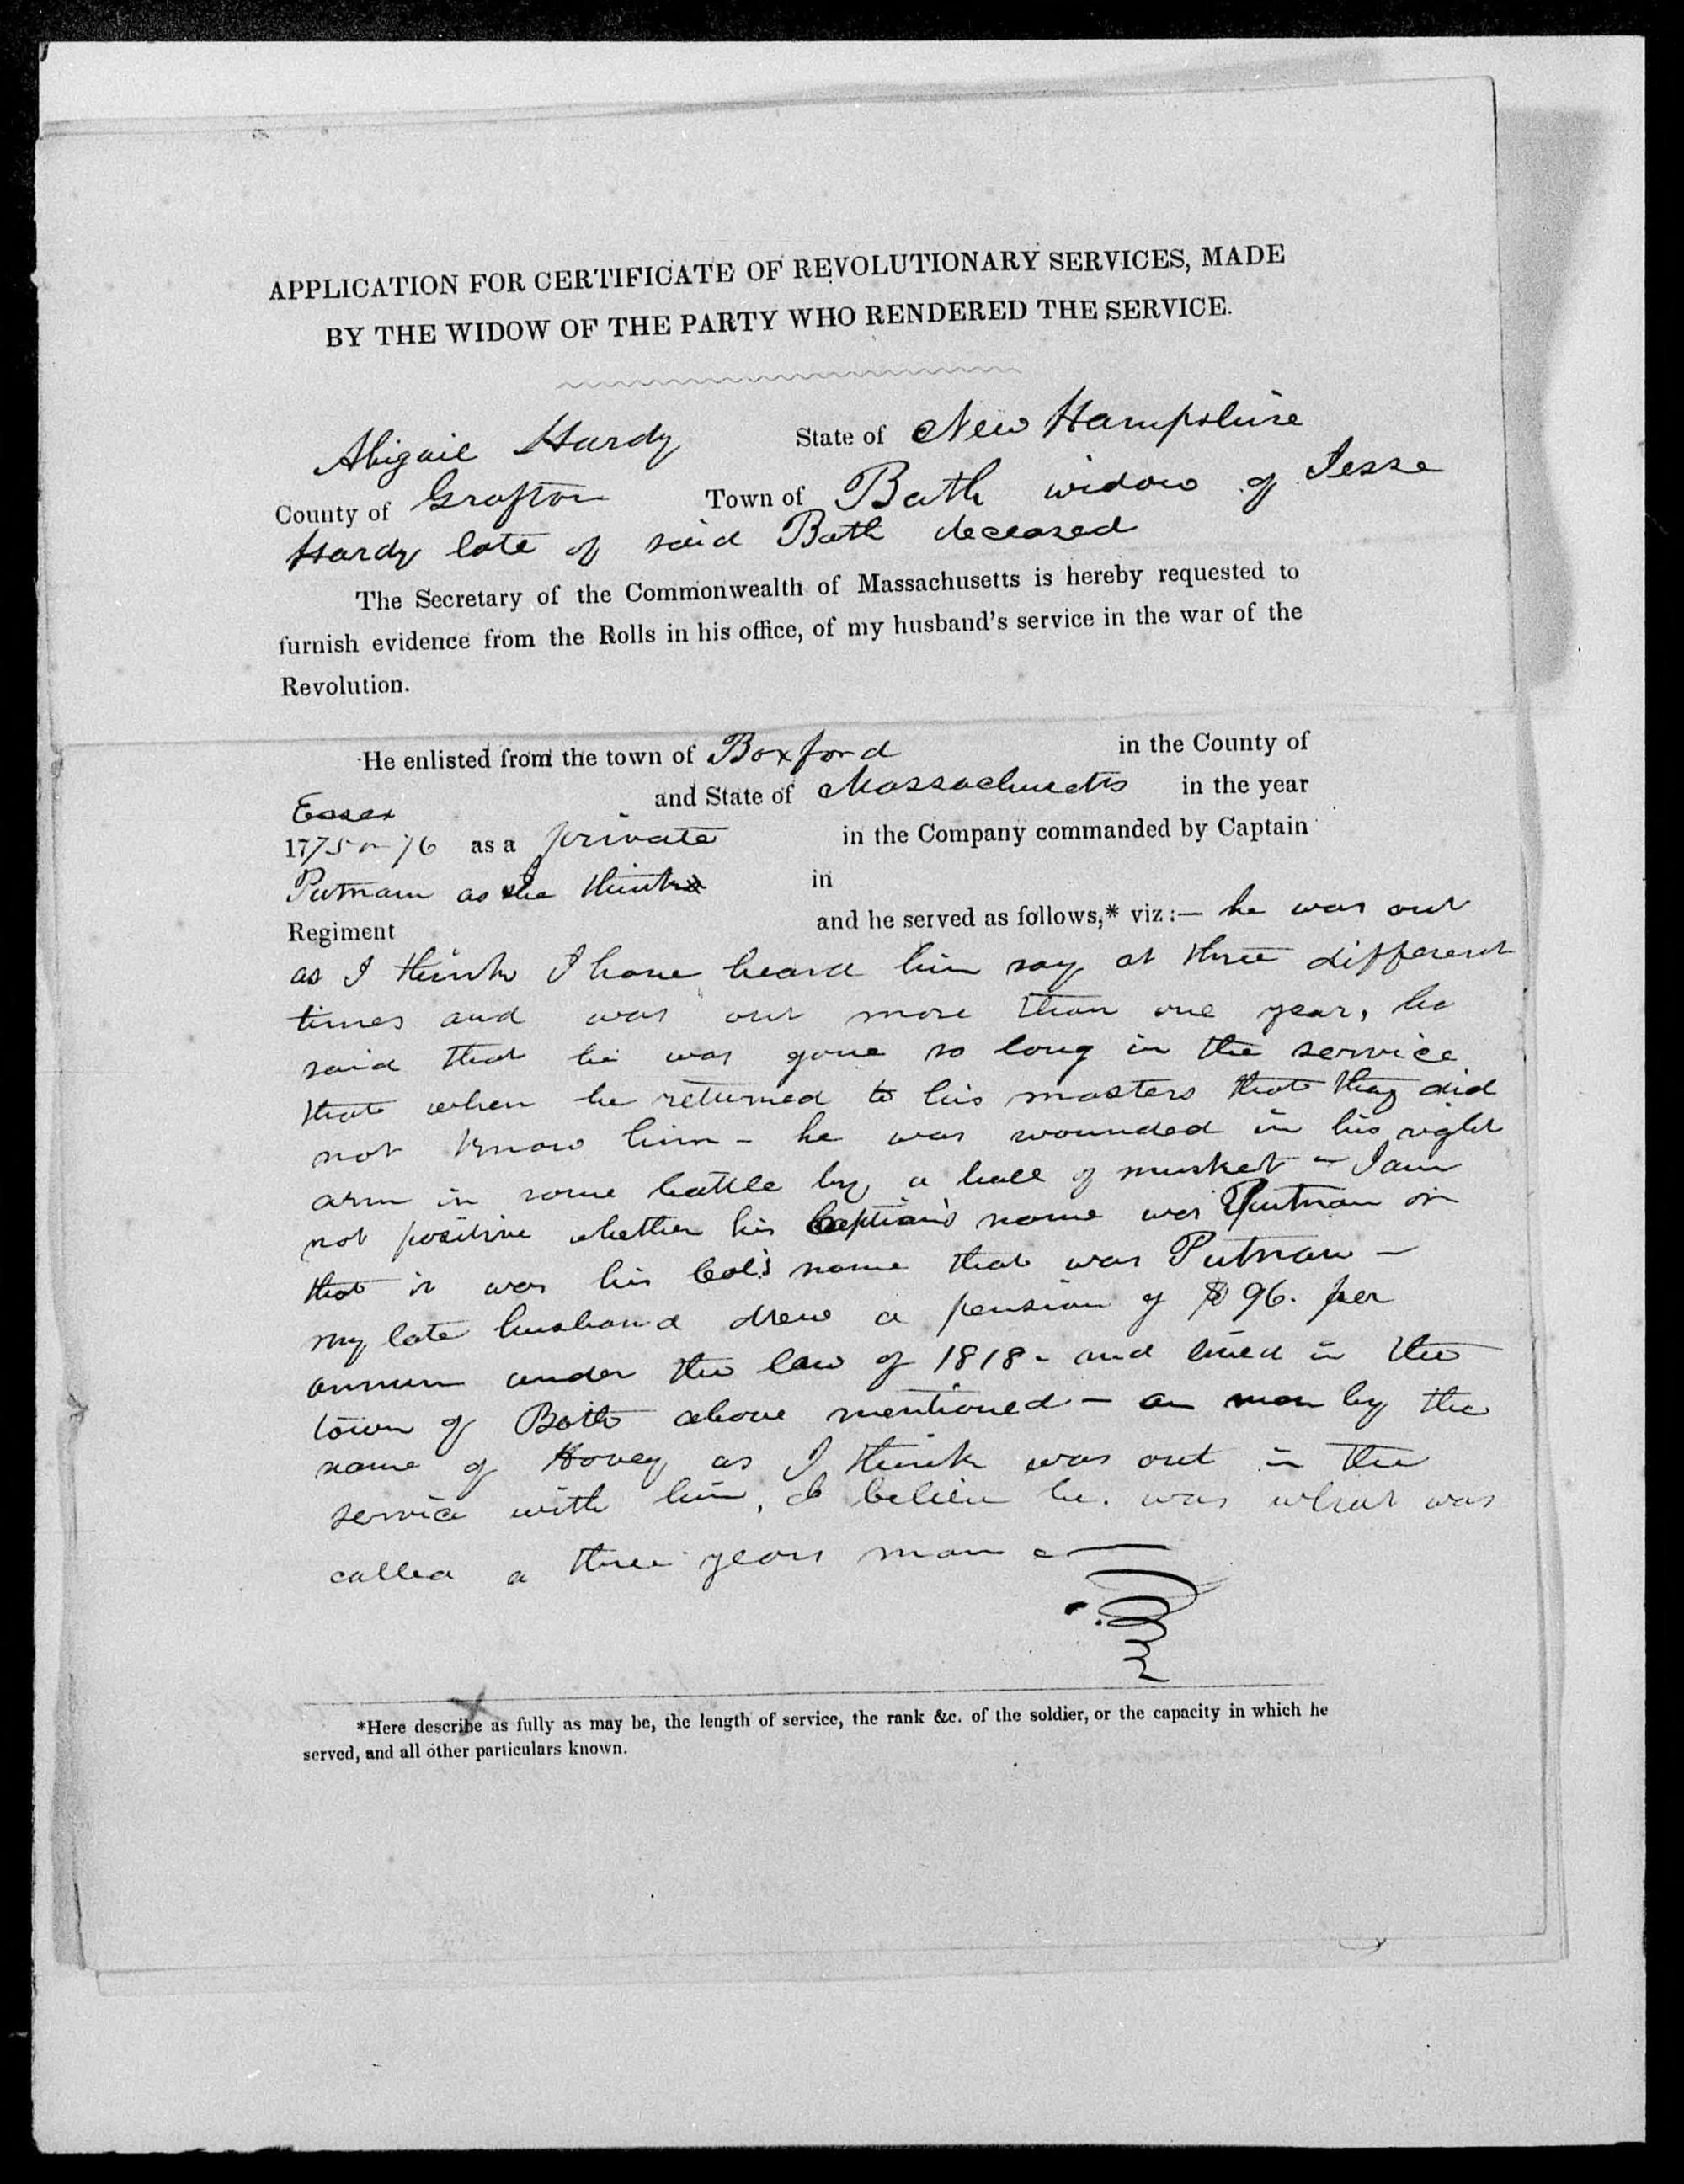APPLICATION FOR CERTIFICATE OF REVOLUTIONARY SERVICES MADE BY THE WIDOW OF THE PARTY WHO RENDERED THE SERVICE 
Abigail Hardy State of New Hampshire County of Grafton Town of Bath widow of Jesse Hardy late of said Bath deceased
The Secretary of the Commonwealth of Massachusetts is hereby requested to furnish evidence from the Rolls in his office of my husband's service in the war of the Revolution. 
He enlisted from the town of Boxford in the County of Essex and State of Massachusetts in the year 1775 or 76 as a private in the Company commanded by Captain Putnam as she thinks in Regiment and he served as follows, viz:--he was out as I think I have heard him say at three different times and was out more than one year, he said that he was gone so long in the service that when he returned to his masters that they did not know him-- he was wounded in his right arm in some battle by a ball of Musket I am not positive whether his caption's name was Putnam or that it was his Col's name that was Putman - My late husband drew a pension of $96 per annum under the law of 1818 and lived in the town of Bath above mentioned a man by the name of Hovey as I think was out in the service with him, I believe he was what was called a three years man 
Here describe as fully as may be, the length of service, the rank &c. of the soldier, or the capacity in which he served, and all other particulars known.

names: Jesse Hardy, Putnam, Hovey, Putnam, Abigail Hardy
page: 45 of 67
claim: widow's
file: W. 23183, Jesse Hardy, Mass.